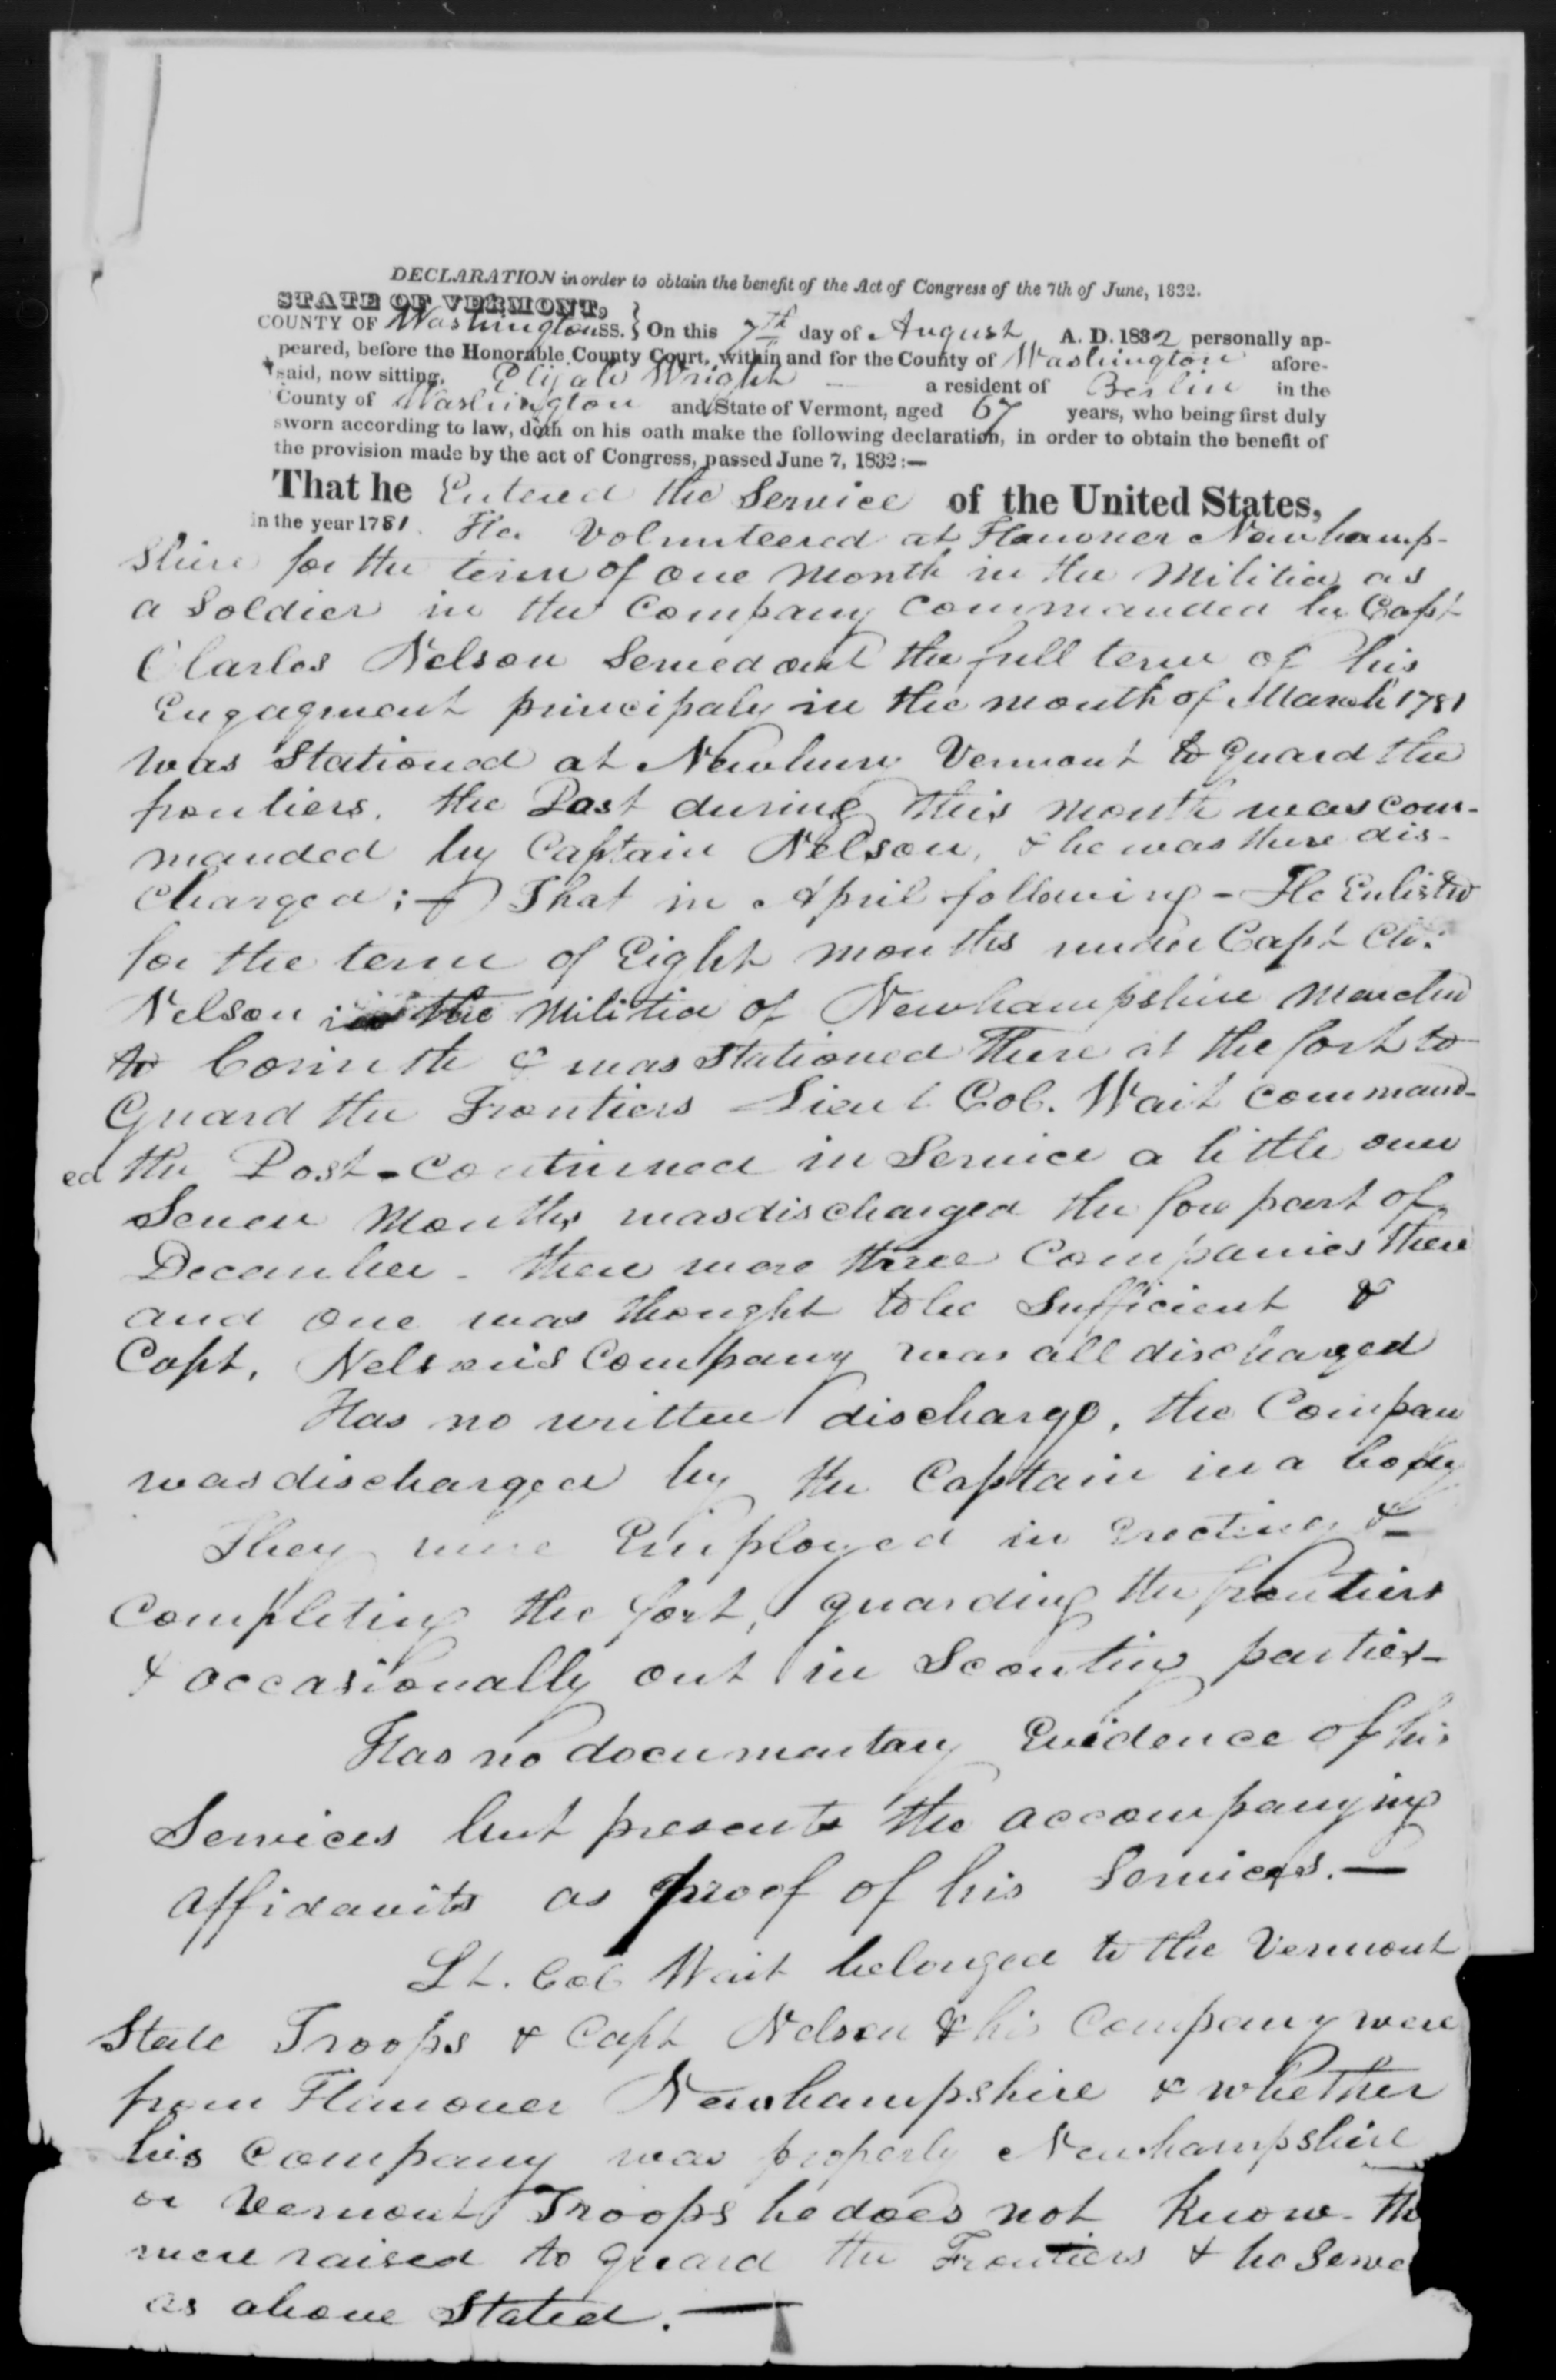DECLARATONin order to obtain the benefit of the Act of Congress of the 7th of June, 1832.
STATE OF VERMONT
COUNTY OF Washington. On this 7th day of August A.D. 1832, personally appeared
, before the Honorable County Court, within and for the County of Washington aforesaid
, now sitting, Elijah Wright a resident of Berlin in the County of Washington and State of Vermont, aged 67 years, who being first duly
sworn according to law, doth on his oath make the following declaration, in order to obtain the benefit of
the provision made by the act of Congress, passed June 7, 1832: --

That he entered the service of the United States,
in the year 1781 He Volunteered at Hanover New Hampshire for the term of one month in the Militia as a
soldier in the company commanded by Capt
Charles Nelson Served out the full term of his
Engagment principally in the month of March 1781
was stationed at Newbury Vermont to guard the frontiers, the Post during this month was commanded by Captain Nelson, & he was there discharged. That in April following - He enlisted
for the time of Eight months under Capt Ch
Nelson in the militia of Newhampshire Marched
to Corinth & was stationed there at the fort to
guard the Frontiers Lieut Col. Wait command
the Post continued in service a little one
Seven Months was discharged the forepart of
December there were three companies there
and one was thought to be sufficient &
Capt. Nelsons Company was all discharged

Has no written discharge, the Company
was discharged by the Captain in a body
They were Employed in erecting &
completing the fort, guarding the frontiers
& Occasionally out in scouting parties
has no documentary Evidence of his
Services but presents the accompanying
affidavits as proof of his services.
Lt. Col West belonged to the Vermont
State Troops & Capt Nelson & his company were
from Flarouer Newhampshire & whether
his company was properly & Newhampshire-
Vermont Troops he does not know the
were raised to guard the Frontiers & he served
as above stated-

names: Charles Nelson, Elijah Wright, Wait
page: 5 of 26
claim: widow's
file: W. 26,137, Elijah Wright, N.H.